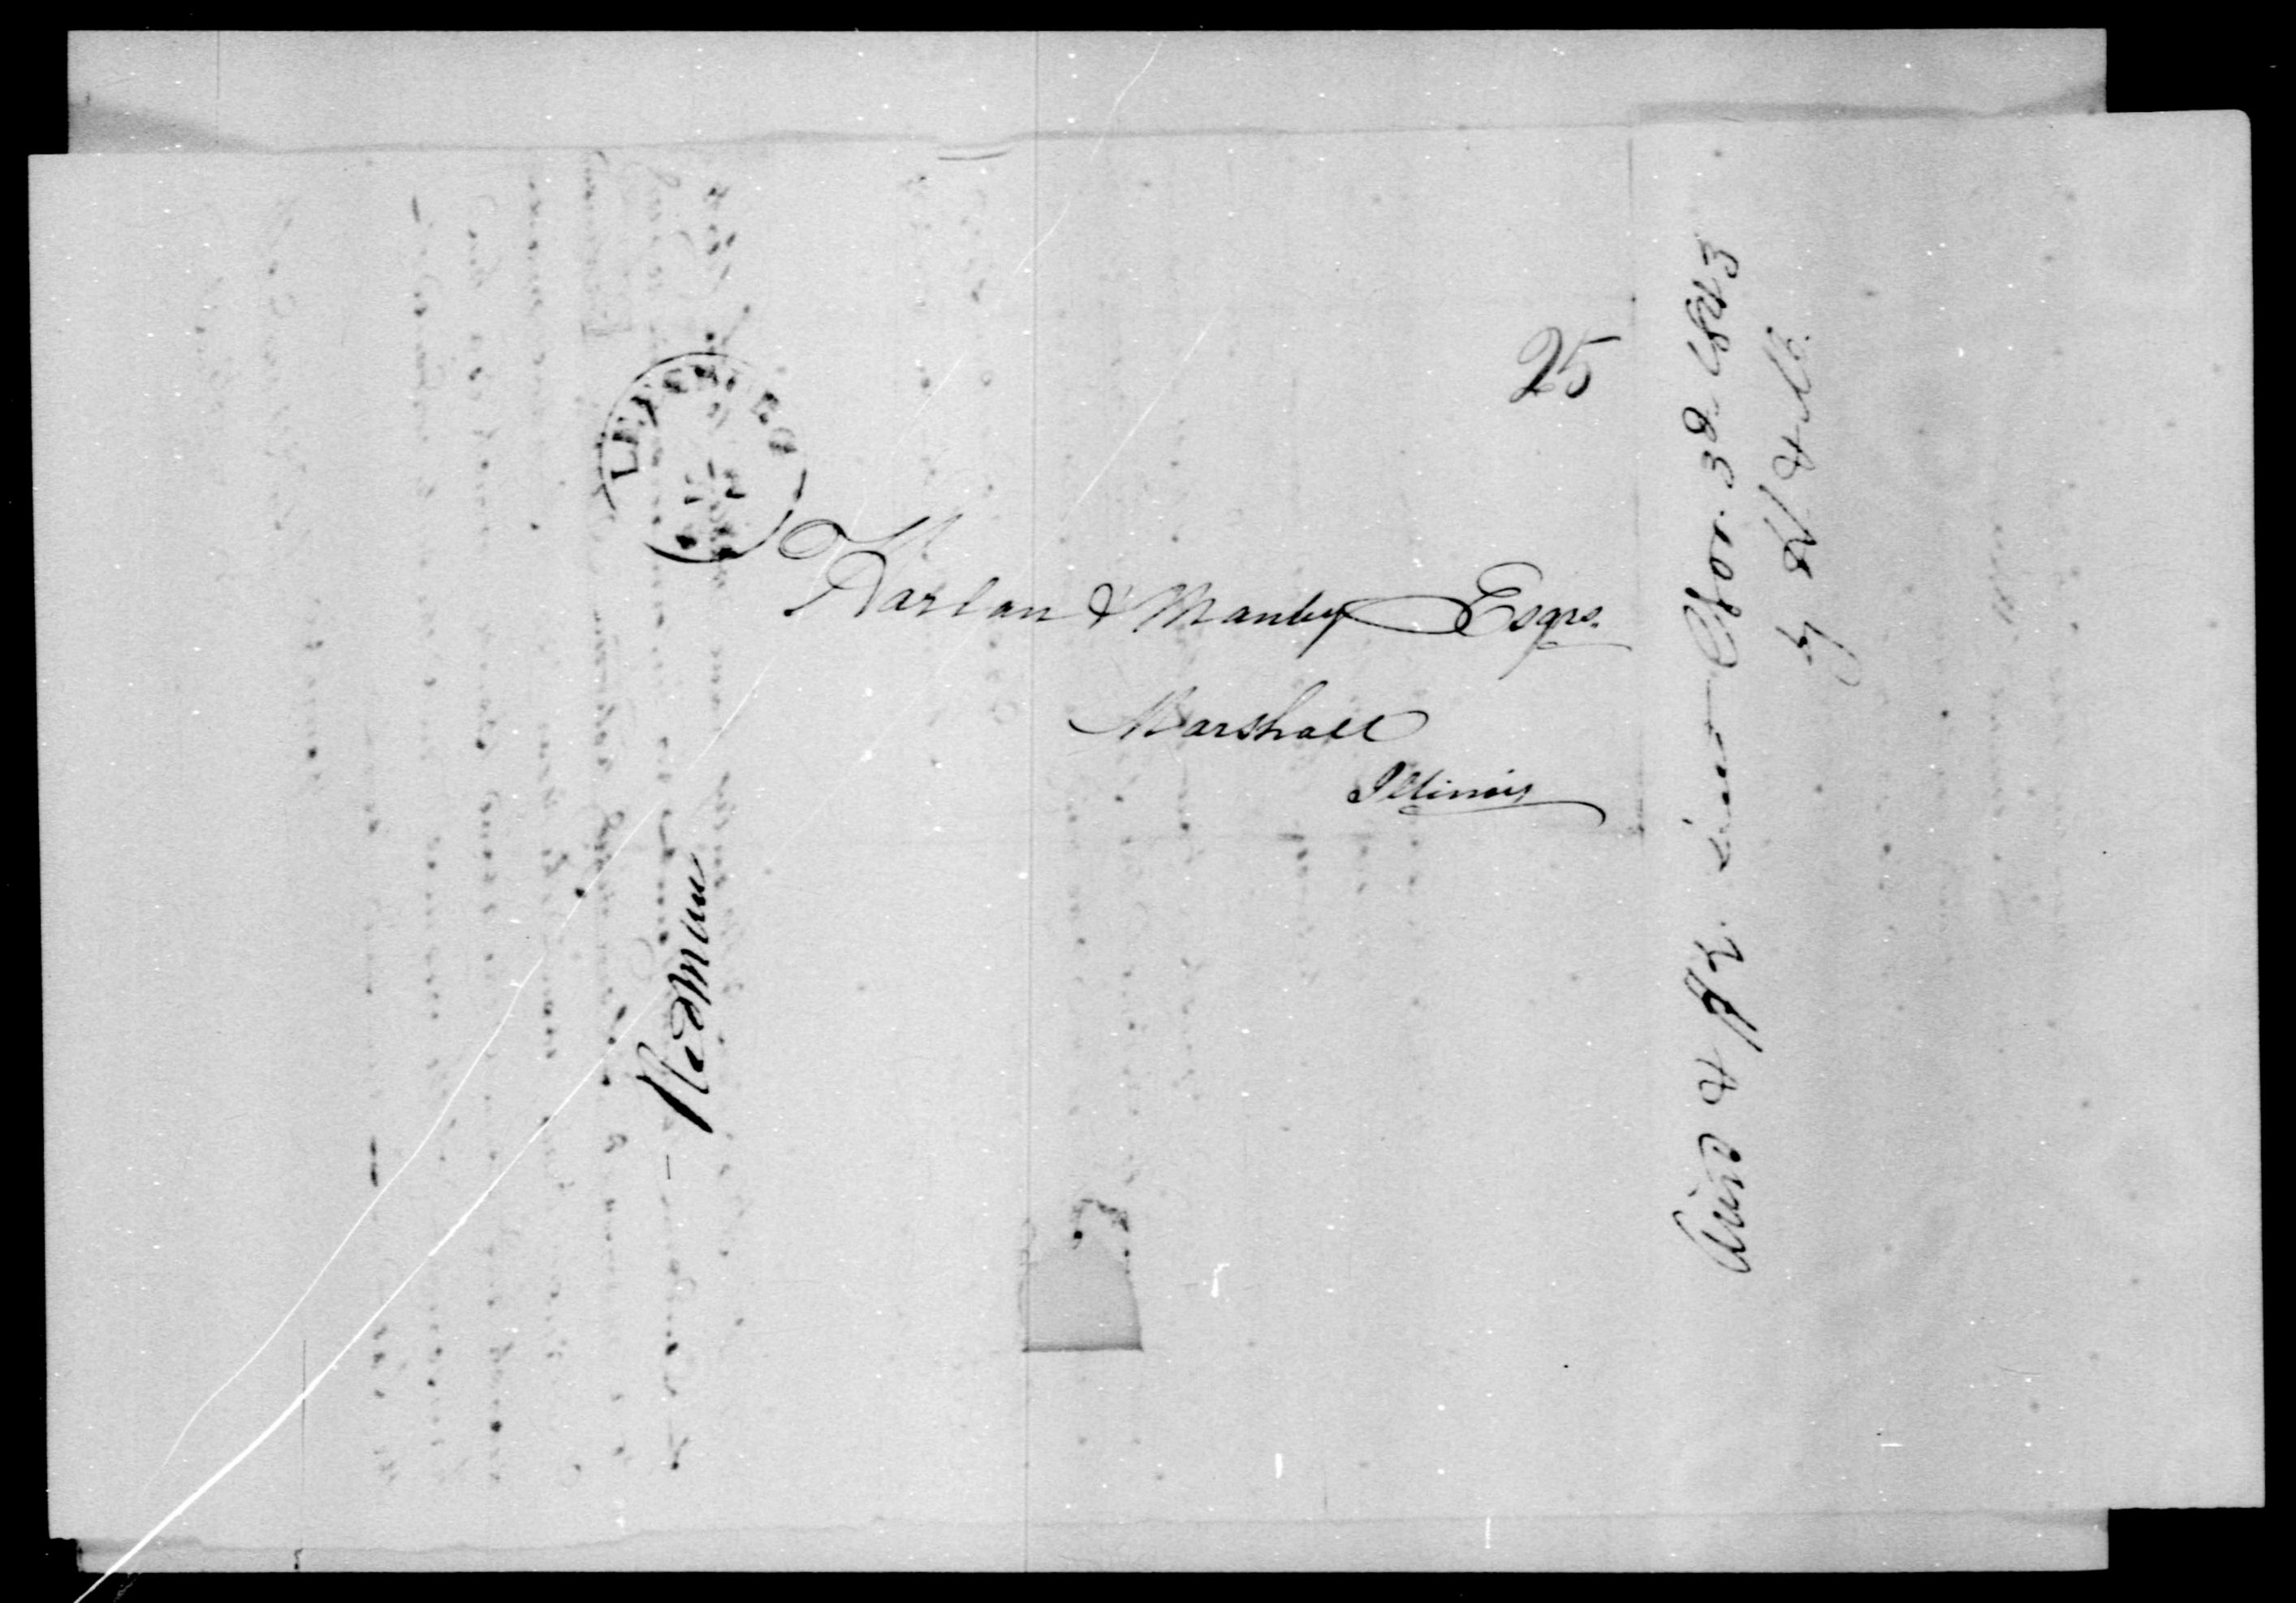25

Harlan & Manley Esqrs
Marshall
Illinois

Redman [sic]

Au? & $2. [illegible] Nov. 3d 1843
by H. & M.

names: [BLANK] Harlan; [BLANK] Redman; [BLANK] Manley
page: 42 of 57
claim: widow's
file: W. 9,622, for Aaron Redman, Virginia